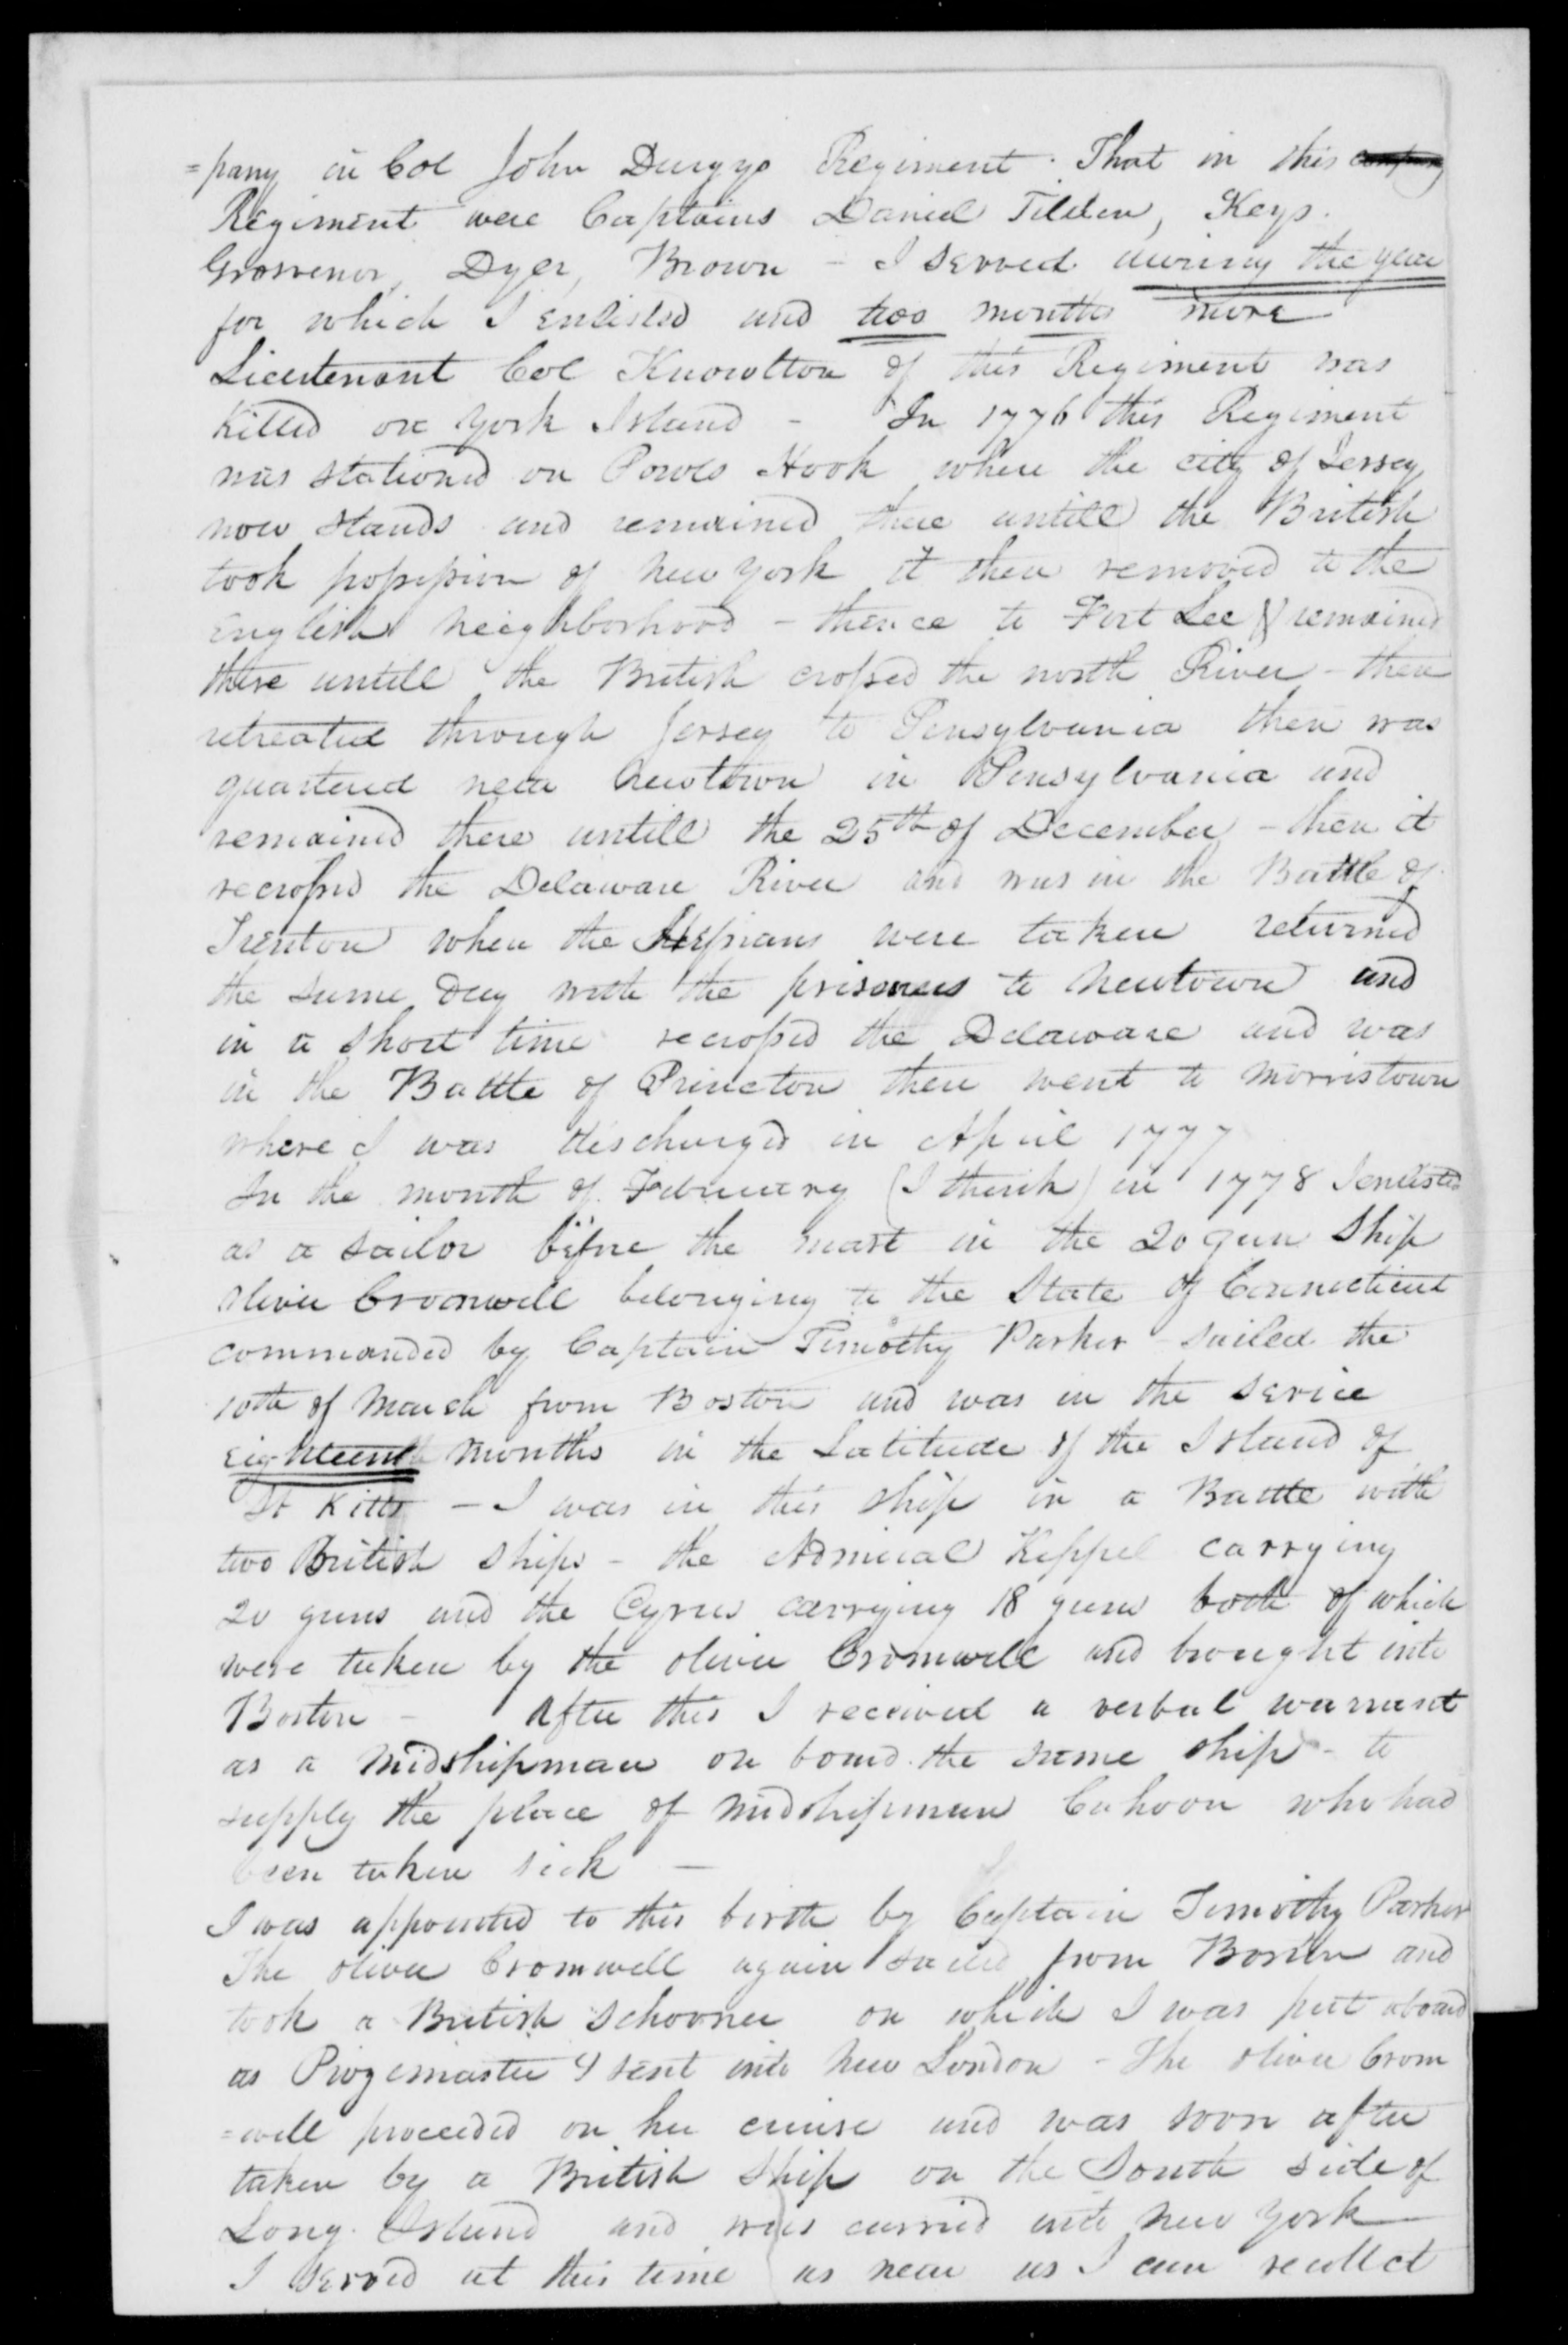in Col John Durggs Regiment. That in this Regiment were Captains Daniel Tilden, Keys, Grosvenor, Dyer, Brown. I served during the year for which I enlisted and two months more. Lieutenant Col Knowlton of this Regiment was killed on York Island.  In 1776 this Regiment was stationed on Paulus Hook where the city of Jersey now stands and remained there until the British took possession of New York. It then removed to the English neighborhood, thence to Fort Lee & remained there until the British crossed the North River. Then retreated through Jersey to Pennsylvania. Then was quartered near Newtown in Pennsylvania and remained there until the 25th of December.  Then it crossed the Delaware River and was in the Battle of Trenton where the Hessians were taken.  Returned the same day with the prisoners to Newtown and in a short time crossed the Delaware and was in the Battle of Princeton. Then went to Morristown, where I was discharged in April 1777.
In the month of February (I think) in 1778 I enlisted as a sailor before the mast in the 20 gun Ship Oliver Cromwell belonging to the State of Connecticut commanded by Captain Timothy Parker. Sailed the 10th of March from Boston and was in the service eighteen months in the Latitude of the Island of St. Kitts. I was in this ship in a Battle with two British ships, the Admiral Keppel carrying 20 guns and the Cyrus carrying 18 guns. Both of which were taken by the Oliver Cromwell and brought into Boston.  After this I received a verbal warrant as a midshipman on board the same ship supply the place of midshipman Cahoon who had been taken sick.
I was appointed to this birth by Captain Timothy Parker. The Oliver Cromwell again sailed from Boston and took a British schooner, on which I was put aboard as Prize master & sent into New London. The Oliver Cromwell proceeded on her cruise and was soon after taken by a British Ship on the south side of Long Island and was carried into New York. I served at this time as I can recollect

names: Brown, Dyer, Oliver Cromwell, Timothy Parker, Knowlton, Daniel Keys, Grosvenor, Daniel Tilden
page: 6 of 50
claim: widow's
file: W. 15814, Glading Waterman, Conn. Conn. Sea Service Continental